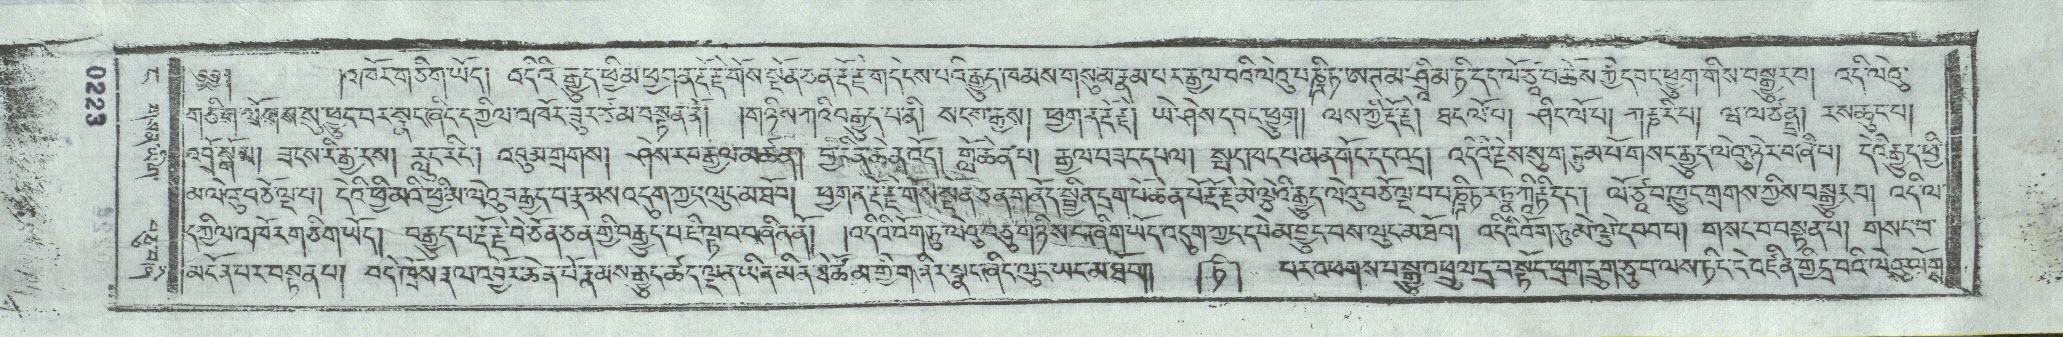༄༅། །འཁོར་གཅིག་ཡོད། འདིའི་རྒྱུད་ཕྱི་མ་ཕྱག་ན་རྡོ་རྗེ་གོས་སྔོན་ཅན་རྡོ་རྗེ་གདེངས་པའི་རྒྱུད་ཁམས་གསུམ་རྣམ་པར་རྒྱལ་བའི་ལེའུ་པཎྜི་ཏ་ཨ་ཊ་མ་ཤྲཱི་མ་ཏི་དང་ལོ་ཙཱ་བ་ཆོས་ཀྱི་དབང་ཕྱུག་གིས་བསྒྱུར་བ། འདི་ལེའུ་
གཅིག་ལོགས་སུ་ཕྱུང་བར་སྣང་ཞིང་དཀྱིལ་འཁོར་ཟུར་ཙམ་བསྟན་ནོ། །གཉིས་ཀའི་བརྒྱུད་པ་ནི། སངས་རྒྱས། ཕྱག་ན་རྡོ་རྗེ། ཡེ་ཤེས་དབང་ཕྱུག། ལས་ཀྱི་རྡོ་རྗེ། ཐང་ལོ་པ། ཤིང་ལོ་པ། ཀརན་རི་པ། ཝ་ལ་ཙནྡྲ། རས་ཆུང་པ།
འབྲོ་སྒོམ། ཟངས་རི་རྒྱ་རས། རླུང་རིང་། འབུམ་གྲགས། ཤེས་རབ་རྒྱལ་མཚན། བྱ་རིན་ཆེན་འོད། གློ་ཆེན་པ། རྒྱལ་བཟང་དཔལ། སྤང་ཁང་པ་མན་གོང་དང་འདྲ། འདིའི་རྗེས་སུ་གཏུམ་པོ་གསང་རྒྱུད་ལེའུ་ཉེར་བཞི་པ། དེའི་རྒྱུད་ཕྱི་
མ་ལེའུ་བཅོ་ལྔ་པ། དེའི་ཕྱི་མའི་ཕྱི་མ་ལེའུ་བརྒྱད་པ་རྣམས་འདུག་ཀྱང་ལུང་མ་ཐོབ། ཕྱག་ན་རྡོ་རྗེ་གོས་སྔོན་ཅན་གནོད་སྦྱིན་དྲག་པོ་ཆེན་པོ་རྡོ་རྗེ་མེ་ལྕེའི་རྒྱུད་ལེའུ་བཅོ་ལྔ་བ་པཎྜི་ཏ་རཏྣ་ཀཱིརྟི་དང་། ལོ་ཙཱ་བ་ཁྱུང་གྲགས་ཀྱིས་བསྒྱུར་བ། འདི་ལ་
དཀྱིལ་འཁོར་གཅིག་ཡོད། བརྒྱུད་པ་རྡོ་རྗེ་བེ་ཅོན་ཅན་གྱི་བརྒྱུད་པ་ཇི་ལྟ་བ་བཞིན་ནོ། །འདིའི་འོག་ཏུ་ལེའུ་བཅུ་གཉིས་པ་ཞིག་ཡོད་འདུག་ཀྱང་དཔེ་མ་བྱུང་བས་ལུང་མ་ཐོབ། འདིའི་འོག་ཏུ་མེ་ལྕེ་དབབ་པ། གསང་བ་བསྟན་པ། གསང་བ་
མངོན་པར་བསྟན་པ། བདེ་ཁྲོས་རྣལ་འབྱོར་ཆེན་པོ་རྣམས་རྒྱུད་ཚད་ལྡན་ཡིན་མིན་ཐེ་ཚོམ་གྱི་གཞིར་སྣང་ཞིང་ལུང་ཡང་མ་ཐོབ།། {ཏ}་པར་འཕགས་པ་སྒྱུ་འཕྲུལ་དྲ་བ་སྟོང་ཕྲག་དྲུག་ཅུ་པ་ལས་ཏིང་ངེ་འཛིན་གྱི་དྲ་བའི་ལེའུ་ལོགས་